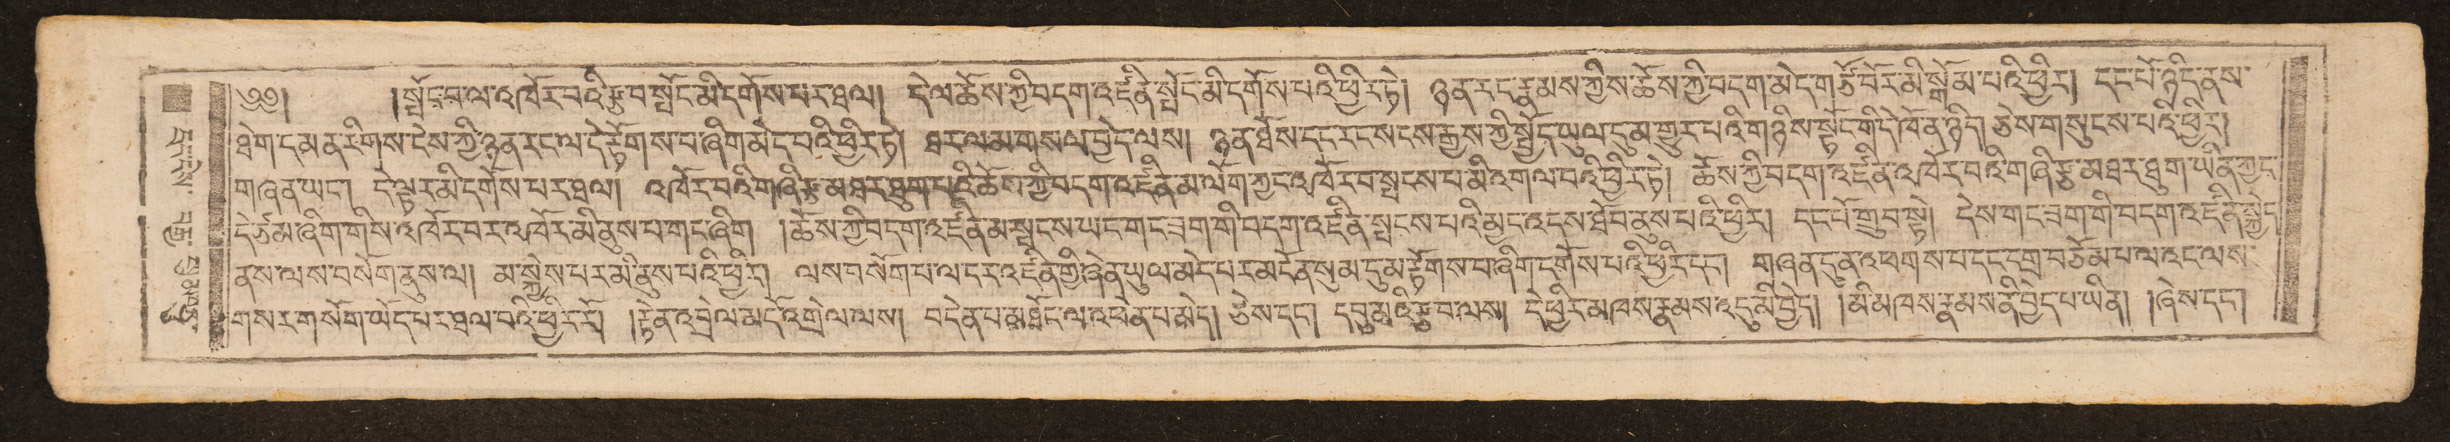༄༅། །སྤོང་བ་ལ་འཁོར་བའི་རྩ་བ་སྤོང་མི་དགོས་པར་ཐལ། དེ་ལ་ཆོས་ཀྱི་བདག་འཛིན་སྤོང་མི་དགོས་པའི་ཕྱིར་ཏེ། ཉན་རང་རྣམས་ཀྱིས་ཆོས་ཀྱི་བདག་མེད་གཙོ་བོར་མི་སྒོམ་པའི་ཕྱིར། དང་པོ་ཉིད་ནས་
ཐེག་དམན་རིགས་ངེས་ཀྱི་ཉན་རང་ལ་དེ་རྟོགས་པ་ཞིག་མེད་པའི་ཕྱིར་ཏེ། ཐར་ལམ་གསལ་བྱེད་ལས། ཉན་ཐོས་དང་རང་སངས་རྒྱས་ཀྱི་སྤྱོད་ཡུལ་དུ་མ་གྱུར་པའི་གཉིས་སྟོང་གི་དེ་ཁོ་ན་ཉིད། ཅེས་གསུངས་པའི་ཕྱིར།
གཞན་ཡང་། དེ་ལྟར་མི་དགོས་པར་ཐལ། འཁོར་བའི་གཞི་རྩ་མཐར་ཐུག་པའི་ཆོས་ཀྱི་བདག་འཛིན་མ་ལོག་ཀྱང་འཁོར་བ་སྤངས་པ་མི་འགལ་བའི་ཕྱིར་ཏེ། ཆོས་ཀྱི་བདག་འཛིན་འཁོར་བའི་གཞི་རྩ་མཐར་ཐུག་ཡིན་ཀྱང་
དེ་ཙམ་ཞིག་གིས་འཁོར་བར་འཁོར་མི་ནུས་པ་གང་ཞིག །ཆོས་ཀྱི་བདག་འཛིན་མ་སྤངས་ཡང་གང་ཟག་གི་བདག་འཛིན་སྤངས་པའི་མྱང་འདས་ཐོབ་ནུས་པའི་ཕྱིར། དང་པོ་གྲུབ་སྟེ། དེས་གང་ཟག་གི་བདག་འཛིན་སྐྱེད་
ནས་ལས་བསོག་ནུས་ལ། མ་སྐྱེས་པར་མི་ནུས་པའི་ཕྱིར། ལས་བསོག་པ་ལ་ངར་འཛིན་གྱི་ཞེན་ཡུལ་མེད་པར་མངོན་སུམ་དུ་མ་རྟོགས་པ་ཞིག་དགོས་པའི་ཕྱིར་དང་། གཞན་དུ་ན་འཕགས་པ་དང་དགྲ་བཅོམ་པ་ལ་འང་ལས་
གསར་གསོག་ཡོད་པར་ཐལ་པའི་ཕྱིར་རོ། །རྟེན་འབྲེལ་མདོ་འགྲེལ་ལས། བདེན་པ་མཐོང་ལ་འཕེན་པ་མེད། ཅེས་དང་། དབུ་མའི་རྩ་བ་ལས། དེ་ཕྱིར་མཁས་རྣམས་འདུ་མི་བྱེད། །མི་མཁས་རྣམས་ནི་བྱེད་པ་ཡིན། །ཞེས་དང་།